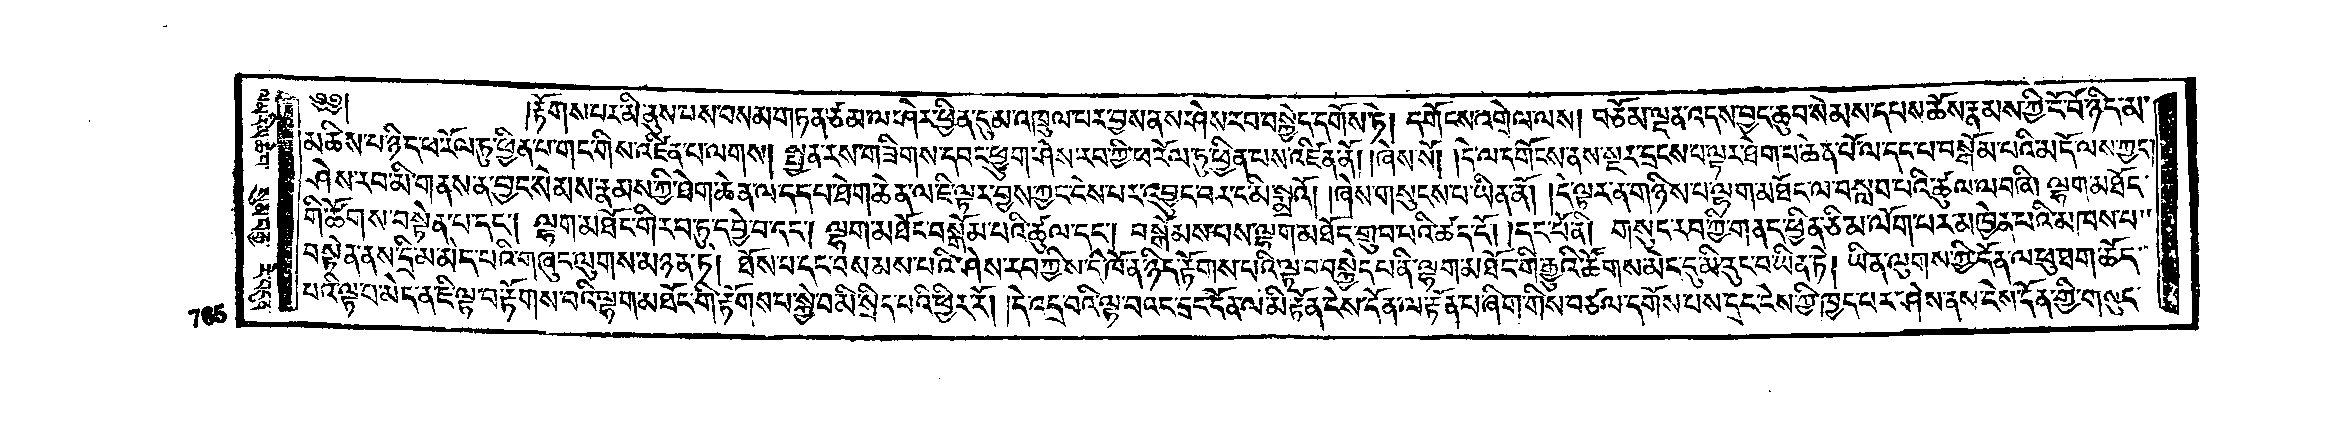༄༅། །རྟོགས་པར་མི་ནུས་པས་བསམ་གཏན་ཙམ་ལ་ཤེར་ཕྱིན་དུ་མ་འཁྲུལ་པར་བྱས་ནས་ཤེས་རབ་བསྐྱེད་དགོས་ཏེ། དགོངས་འགྲེལ་ལས། བཅོམ་ལྡན་འདས་བྱང་ཆུབ་སེམས་དཔས་ཆོས་རྣམས་ཀྱི་ངོ་བོ་ཉིད་མ་
མཆིས་པ་ཉིད་ཕ་རོལ་ཏུ་ཕྱིན་པ་གང་གིས་འཛིན་པ་ལགས། སྤྱན་རས་གཟིགས་དབང་ཕྱུག་ཤེས་རབ་ཀྱི་ཕ་རོལ་ཏུ་ཕྱིན་པས་འཛིན་ནོ། །ཞེས་སོ། །དེ་ལ་དགོངས་ནས་སྔར་དྲངས་པ་ལྟར་ཐེག་པ་ཆེན་པོ་ལ་དང་བ་བསྒོམ་པའི་མདོ་ལས་ཀྱང་།
ཤེས་རབ་མི་གནས་ན་བྱང་སེམས་རྣམས་ཀྱི་ཐེག་ཆེན་ལ་དད་པ་ཐེག་ཆེན་ལ་ཇི་ལྟར་བྱས་ཀྱང་ངེས་པར་འབྱུང་བ་རང་མི་སྨྲའོ། །ཞེས་གསུངས་པ་ཡིན་ནོ། །དེ་ལྟར་ན་གཉིས་པ་ལྷག་མཐོང་ལ་བསླབ་པའི་ཚུལ་ལ་བཞི། ལྷག་མཐོང་
གི་ཚོགས་བསྟེན་པ་དང་། ལྷག་མཐོང་གི་རབ་ཏུ་དབྱེ་བ་དང་། ལྷག་མཐོང་བསྒོམ་པའི་ཚུལ་དང་། བསྒོམས་པས་ལྷག་མཐོང་གྲུབ་པའི་ཚད་དོ། །དང་པོ་ནི། གསུང་རབ་ཀྱི་གནད་ཕྱིན་ཅི་མ་ལོག་པར་མཁྱེན་པའི་མཁས་པ་
བསྟེན་ནས་དྲི་མ་མེད་པའི་གཞུང་ལུགས་མཉན་ཏེ། ཐོས་པ་དང་བསམས་པའི་ཤེས་རབ་ཀྱིས་དེ་ཁོ་ན་ཉིད་རྟོགས་པའི་ལྟ་བ་བསྐྱེད་པ་ནི་ལྷག་མཐོང་གི་རྒྱུའི་ཚོགས་མེད་དུ་མི་རུང་བ་ཡིན་ཏེ། ཡིན་ལུགས་ཀྱི་དོན་ལ་ཕུ་ཐག་ཆོད་
པའི་ལྟ་བ་མེད་ན་ཇི་ལྟ་བ་རྟོགས་པའི་ལྷག་མཐོང་གི་རྟོགས་པ་སྐྱེ་བ་མི་སྲིད་པའི་ཕྱིར་རོ། །དེ་འདྲ་བའི་ལྟ་བའང་དྲང་དོན་ལ་མི་རྟོན་ངེས་དོན་ལ་རྟོན་པ་ཞིག་གིས་བཙལ་དགོས་པས་དྲང་ངེས་ཀྱི་ཁྱད་པར་ཤེས་ནས་ངེས་དོན་གྱི་གསུང་